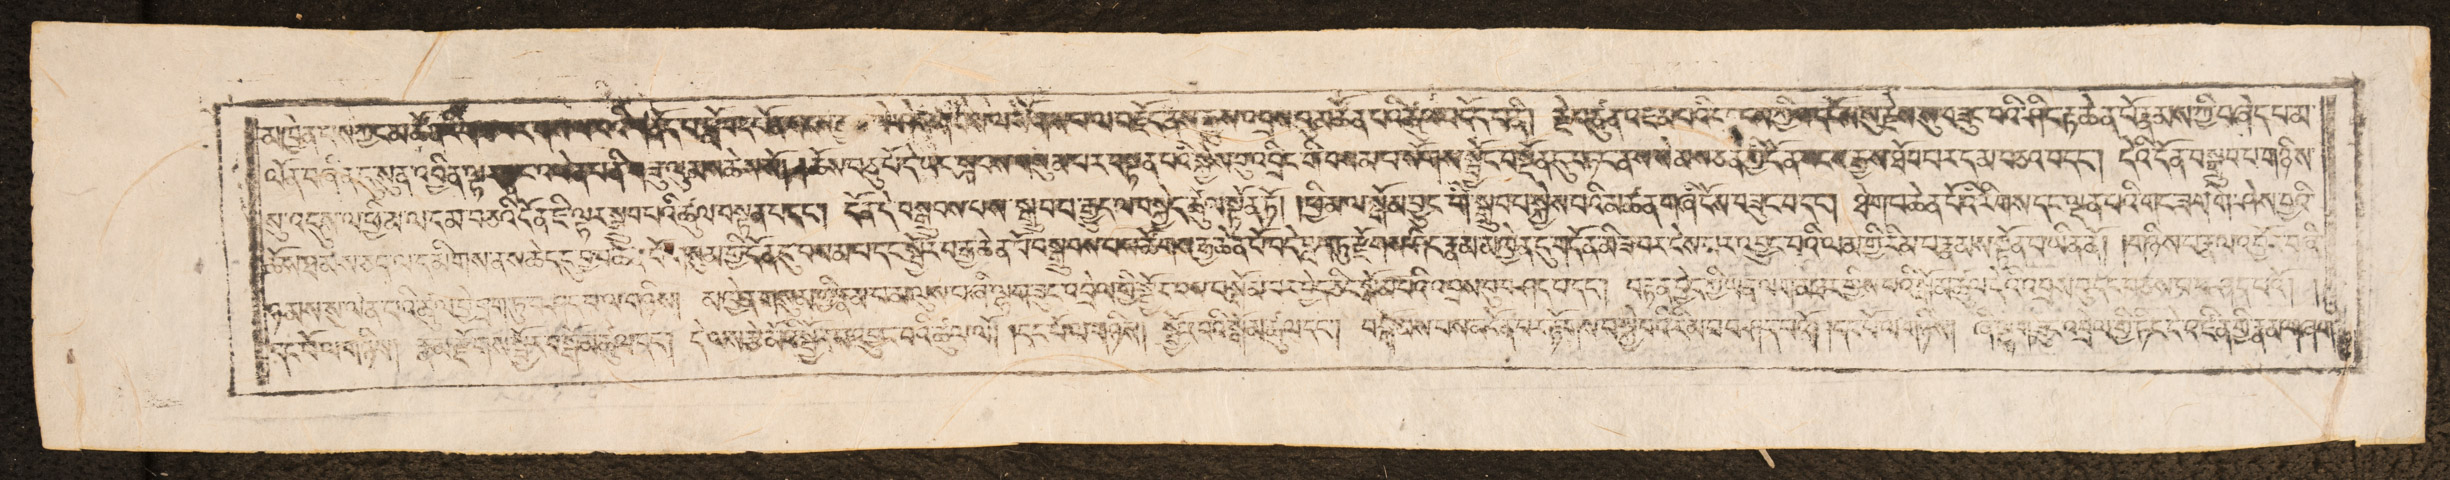མཁྱེན་པས་ཀྱང་མཚོན་རིགས་པར་གསལ་བའི་གནོད་པ་སློབ་དཔོན་སངས་རྒྱས་ཡེ་ཤེས་ཞབས་ལ་སོགས་པ་ལ་བརྗོད་ནས་རྒྱུས་འབྲས་བུ་མཚོན་པའི་ཚུལ་འདོད་པ་ནི། རྗེ་བཙུན་འཇམ་པའི་དབྱངས་ཀྱིས་དངོས་སུ་རྗེས་སུ་བཟུང་བའི་ཤིང་རྟ་ཆེན་པོ་རྣམས་ཀྱི་བཞེད་པ་མ་
ལོན་བཞིན་དུ་སུན་འབྱིན་ལྟར་སྣང་འཕེན་པ་ནི་གཟུ་ལུམས་ཆེས་སོ། །ཆོས་བཅུ་པོ་དེ་ཡང་སྐབས་གསུམ་པར་བསྟན་པའི་སྐྱེས་བུ་འབྲིང་གི་བསམ་པ་སོགས་སྦྱོང་བ་སྔོན་དུ་བཏང་ནས་སེམས་ཅན་གྱི་དོན་སངས་རྒྱས་ཐོབ་པར་དམ་བཅའ་བ་དང་། དེའི་དོན་བསྒྲུབ་པ་གཉིས་
སུ་འདུས་ལ་ཕྱི་མ་ལ་དམ་བཅའི་དོན་ཇི་ལྟར་སྒྲུབ་པའི་ཚུལ་བསྟན་པ་དང་། དོན་དེ་བསྒྲུབས་པས་སྒྲུབ་པ་རྒྱུད་ལ་བསྐྱེད་ཚུལ་སྟོན་ཏོ། །ཕྱི་མ་ལ་སྒོམ་བྱུང་གི་སྒྲུབ་པ་སྐྱེས་པའི་མཚན་གཞི་ངོས་བཟུང་བ་དང་། ཐེག་པ་ཆེན་པོའི་རིགས་དང་ལྡན་པའི་གང་ཟག་གི་ཤེས་བྱའི་
ཆོས་ཐམས་ཅད་ལ་དམིགས་ནས་ཆེད་དུ་བྱ་བ་ཆེན་པོ་གསུམ་གྱི་དོན་དུ་བསམ་པ་དང་སྦྱོར་བ་རྒྱ་ཆེན་པོ་བསྒྲུབས་པས་ཚོགས་རྒྱ་ཆེན་པོ་བདེ་བླག་ཏུ་རྫོགས་ཤིང་རྣམ་མཁྱེན་དུ་གདོན་མི་ཟ་བར་ངེས་པར་འབྱུང་བའི་ལམ་གྱི་རིམ་པ་རྣམས་སྟོན་པ་ཡིན་ནོ། །གཉིས་པ་རྣལ་འབྱོར་བཞི་
ཉམས་སུ་ལེན་པའི་ཚུལ་བྱེ་བྲག་ཏུ་བཤད་པ་ལ་གཉིས། མཁྱེན་གསུམ་གྱི་རྣམ་པ་མ་ལུས་པ་ཞི་ལྷག་ཟུང་འབྲེལ་གྱི་སྦྱོར་བས་བསྒོམ་པར་བྱེད་ཅིང་སྒོམ་པའི་འབྲས་བུ་བཤད་པ་དང་། བརྟན་བྱེད་ཀྱི་ཡན་ལག་མཐར་གྱིས་པའི་སྒོམ་ཚུལ་དེའི་འབྲས་བུ་དང་བཅས་པ་བཤད་པའོ། །
དང་པོ་ལ་གཉིས། རྣམ་རྫོགས་སྦྱོར་བ་སྒོམ་ཚུལ་དང་། དེ་ལས་རྩེ་མོའི་སྦྱོར་བ་འབྱུང་བའི་ཚུལ་ལོ། །དང་པོ་ལ་གཉིས། སྦྱོར་བའི་སྒོམ་ཚུལ་དང་། བསྒོམས་པས་མངོན་པར་རྟོགས་པ་སྐྱེ་བའི་རིམ་པ་བཤད་པའོ། །དང་པོ་ལ་གཉིས། ཞི་ལྷག་ཟུང་འབྲེལ་གྱི་ཏིང་ངེ་འཛིན་གྱི་རྣམ་གཞག་